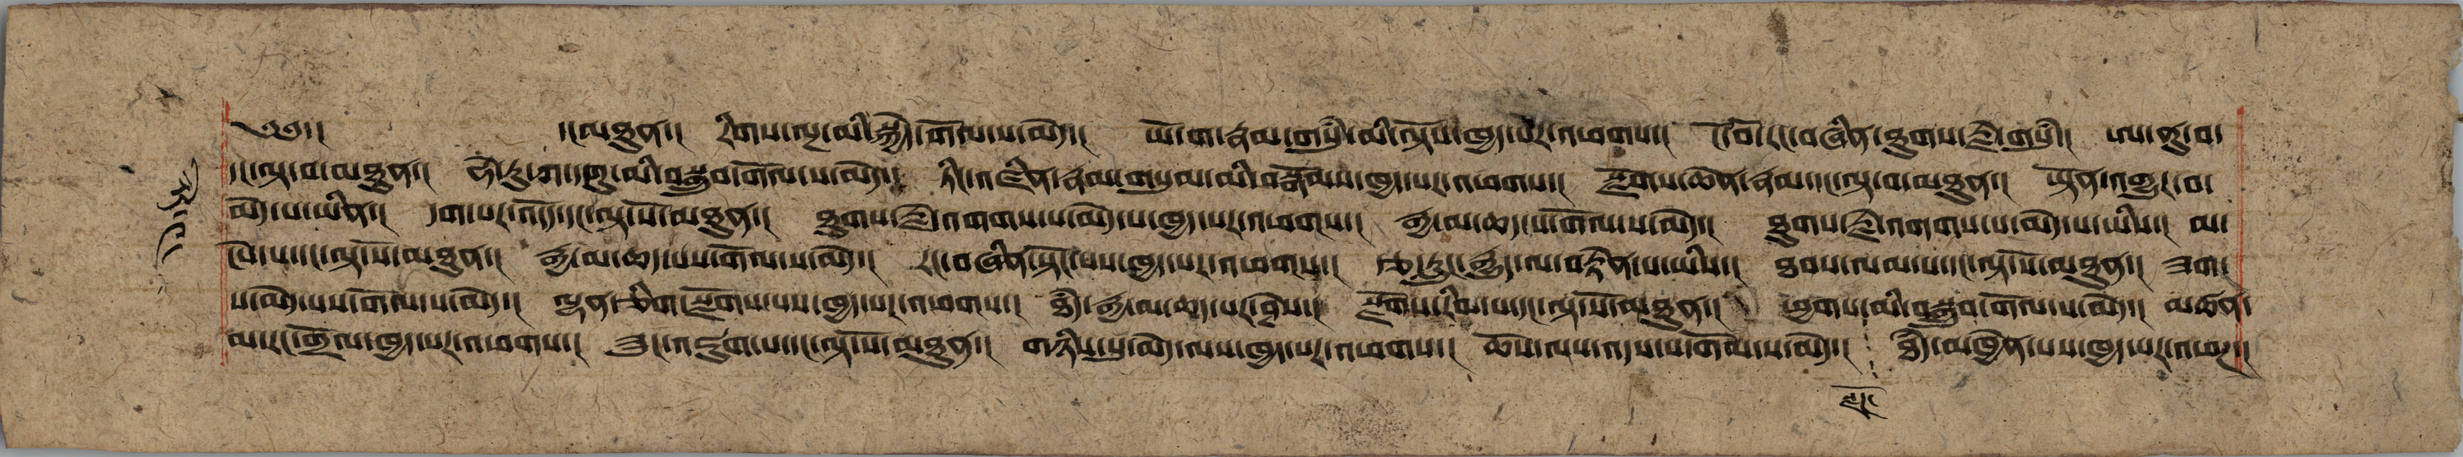༄༅་། ་།མཐུན་། རིགས་ལྔ་མི་སྐྱོད་གོལ་ས་མེད་། ཡོ་ག་རྣམ་གསུཾ་མི་ལྟོས་ཁྱད་པར་འཕགས་། ངོ་བོ་རང་བཞིན་ཐུགས་རྗེ་གསུཾ་། ཨ་ནུ་བ་
དང་ལྟ་བ་མཐུན་། ཧེ་རུ་ཀ་དགུ་མི་བསྒྲུབ་གོལ་ས་མེད་། ཏིང་འཛིན་རྣམ་གསུམ་མི་བསྒོམས་ཁྱད་པར་འཕགས་། སྫོགས་ཆེན་རྣམ་དང་ལྟ་བ་མཐུན་། ཡྟོན་འགྱུར་བ་
མེད་པ་ཡིན་། དག་པར་འདོད་དང་ལྟ་སོ་མཐུན་། ཐུགས་རྗེ་འགགས་པ་མེད་པ་ཁྱད་པར་འཕགས་། རྒྱ་མ་ཆད་པ་གོལ་ས་མེད་། ཐུགས་རྗེ་འགགས་པ་མེད་པ་ཡིས་། མ་
ངེས་པ་དང་ལྟ་སོ་མཐུན་། རྒྱ་མ་ཆད་པས་གོལ་ས་མེད་། རང་བཞིན་སྟོང་པས་ཁྱད་པར་འཕགས་། རྩ་རླུང་རྒྱུད་ལ་བརྟེན་པ་ཡིས་། ཐབས་ལམ་པ་དང་ལྟ་སོ་མཐུན་། ཟག་
ས་མེད་པས་གོལ་ས་མེད་། ལྷན་ཅིག་སྫོགས་པས་ཁྱད་པར་འཕགས་། ཐཾད་རྒྱ་ལ་ཆད་པར་བྱེས་། སྫོགས་རིམ་པ་དང་ལྟ་སོ་མཐུན་། ཕྱོགས་མི་བསྒྲུབ་གོལ་ས་མེད་། མཚན་
མ་རང་གྲོལ་ཁྱད་པར་འཕགས་། ཟུང་འཇུག་པ་དང་ལྟ་སོ་མཐུན་། གཉིས་སུ་མེད་ལས་ཁྱད་པར་འཕགས་། ཆོས་ལས་འདས་པ་གོལ་ས་མེད་། ཐཾད་མཁྱེན་པས་ཁྱད་པར་འཕཌ་།